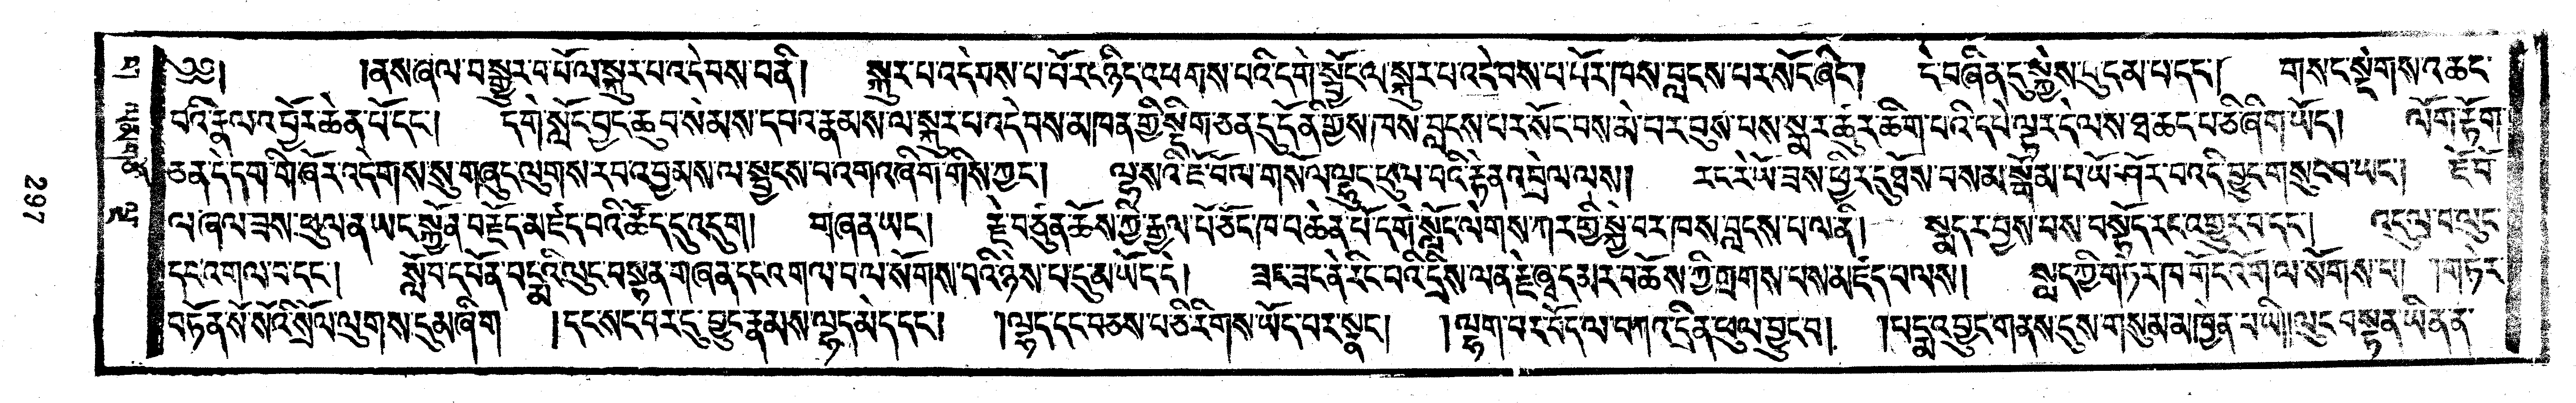༄༅། །ནས་ཞལ་བསྒྱུར་བ་པོ་ལ་སྐུར་པ་འདེབས་པ་ནི། སྐུར་པ་འདེབས་པ་པོ་རང་ཉིད་འཕགས་པའི་དགེ་སྦྱོང་ལ་སྐུར་པ་འདེ་བས་པ་པོར་ཁས་བླངས་པར་སོང་ཞིང་། དེ་བཞིན་དུ་སྐྱེས་བུ་དམ་པ་དང་། གསང་སྔགས་འཆང་
བའི་རྣལ་འབྱོར་ཆེན་པོ་དང་། དགེ་སློང་བྱང་ཆུབ་སེམས་དཔའ་རྣམས་ལ་སྐུར་པ་འདེབས་མཁན་གྱི་སྡིག་ཅན་དུ་དོན་གྱིས་ཁས་བླངས་པར་སོང་བས་མེ་པར་བུས་པས་སྨ་ར་ཚུར་ཆིག་པའི་དཔེ་ལྟར་དེ་ལས་ཐ་ཆད་པ་ཅི་ཞིག་ཡོད། ལོག་རྟོག་
ཅན་དེ་དག་གི་ཞོར་འདེགས་སུ་གཞུང་ལུགས་རབ་འབྱམས་ལ་སྦྱངས་པ་འགའ་ཞིག་གིས་ཀྱང་། ལྷ་སའི་ཇོ་བོ་ལ་གསོལ་ལྷུང་ཕུལ་བའི་རྟེན་འབྲེལ་ལས། རང་རེ་ཡོ་ཟས་ཕྱིར་དུ་ཐོས་བསམ་སྒོམ་པ་ཡོ་ཤོར་བ་འདི་བྱུང་གསུང་བ་ཡང་། ཇོ་བོ་
ལ་ཞལ་ཟས་ཕུལ་ན་ཡང་སྐྱོན་བརྗོད་མཛད་བའི་ཚོད་དུ་འདུག། གཞན་ཡང་། རྗེ་བཙུན་ཆོས་ཀྱི་རྒྱལ་པོ་ཙོང་ཁ་པ་ཆེན་པོ་དགེ་སློང་ལེགས་ཀར་གྱི་སྐྱེ་བར་ཁས་བླངས་པ་ལ་ནི། སྨད་ར་བྱས་བས་བསྟོད་རང་འགྱུར་བ་དང་། འདུལ་བ་ལུང་
དང་འགལ་བ་དང་། སློབ་དཔོན་པདམའི་ལུང་བསྟན་གཞན་དང་འགལ་བ་ལ་སོགས་བའི་ཉེས་པ་དུ་མ་ཡོང་དེ། ཟང་ཟང་ནེ་རིང་བའི་དྲིས་ལན་རྗེ་ཞྭ་དམར་བ་ཆོས་ཀྱི་གྲགས་པས་མཛད་པ་ལས། སླད་ཀྱི་གཏེར་ཁ་གོང་འོག་ལ་སོགས་པ། །གཏེར་
བཏོན་སོ་སོའི་སྲོལ་ལུགས་དུམ་ཞིག །དང་སང་བར་དུ་བྱུང་རྣམས་ལྷད་མེད་དང་། །ལྷད་དང་བཅས་པ་ཅི་རིགས་ཡོད་པར་སྣང་། །ལྷག་བར་བོད་ལ་བཀའ་དྲིན་ཕུལ་བྱུང་བ། །པདམ་འབྱུང་གནས་དུས་གསུམ་མཁྱེན་པ་ཡི། །ལུང་བསྟན་ཡིན་ན་